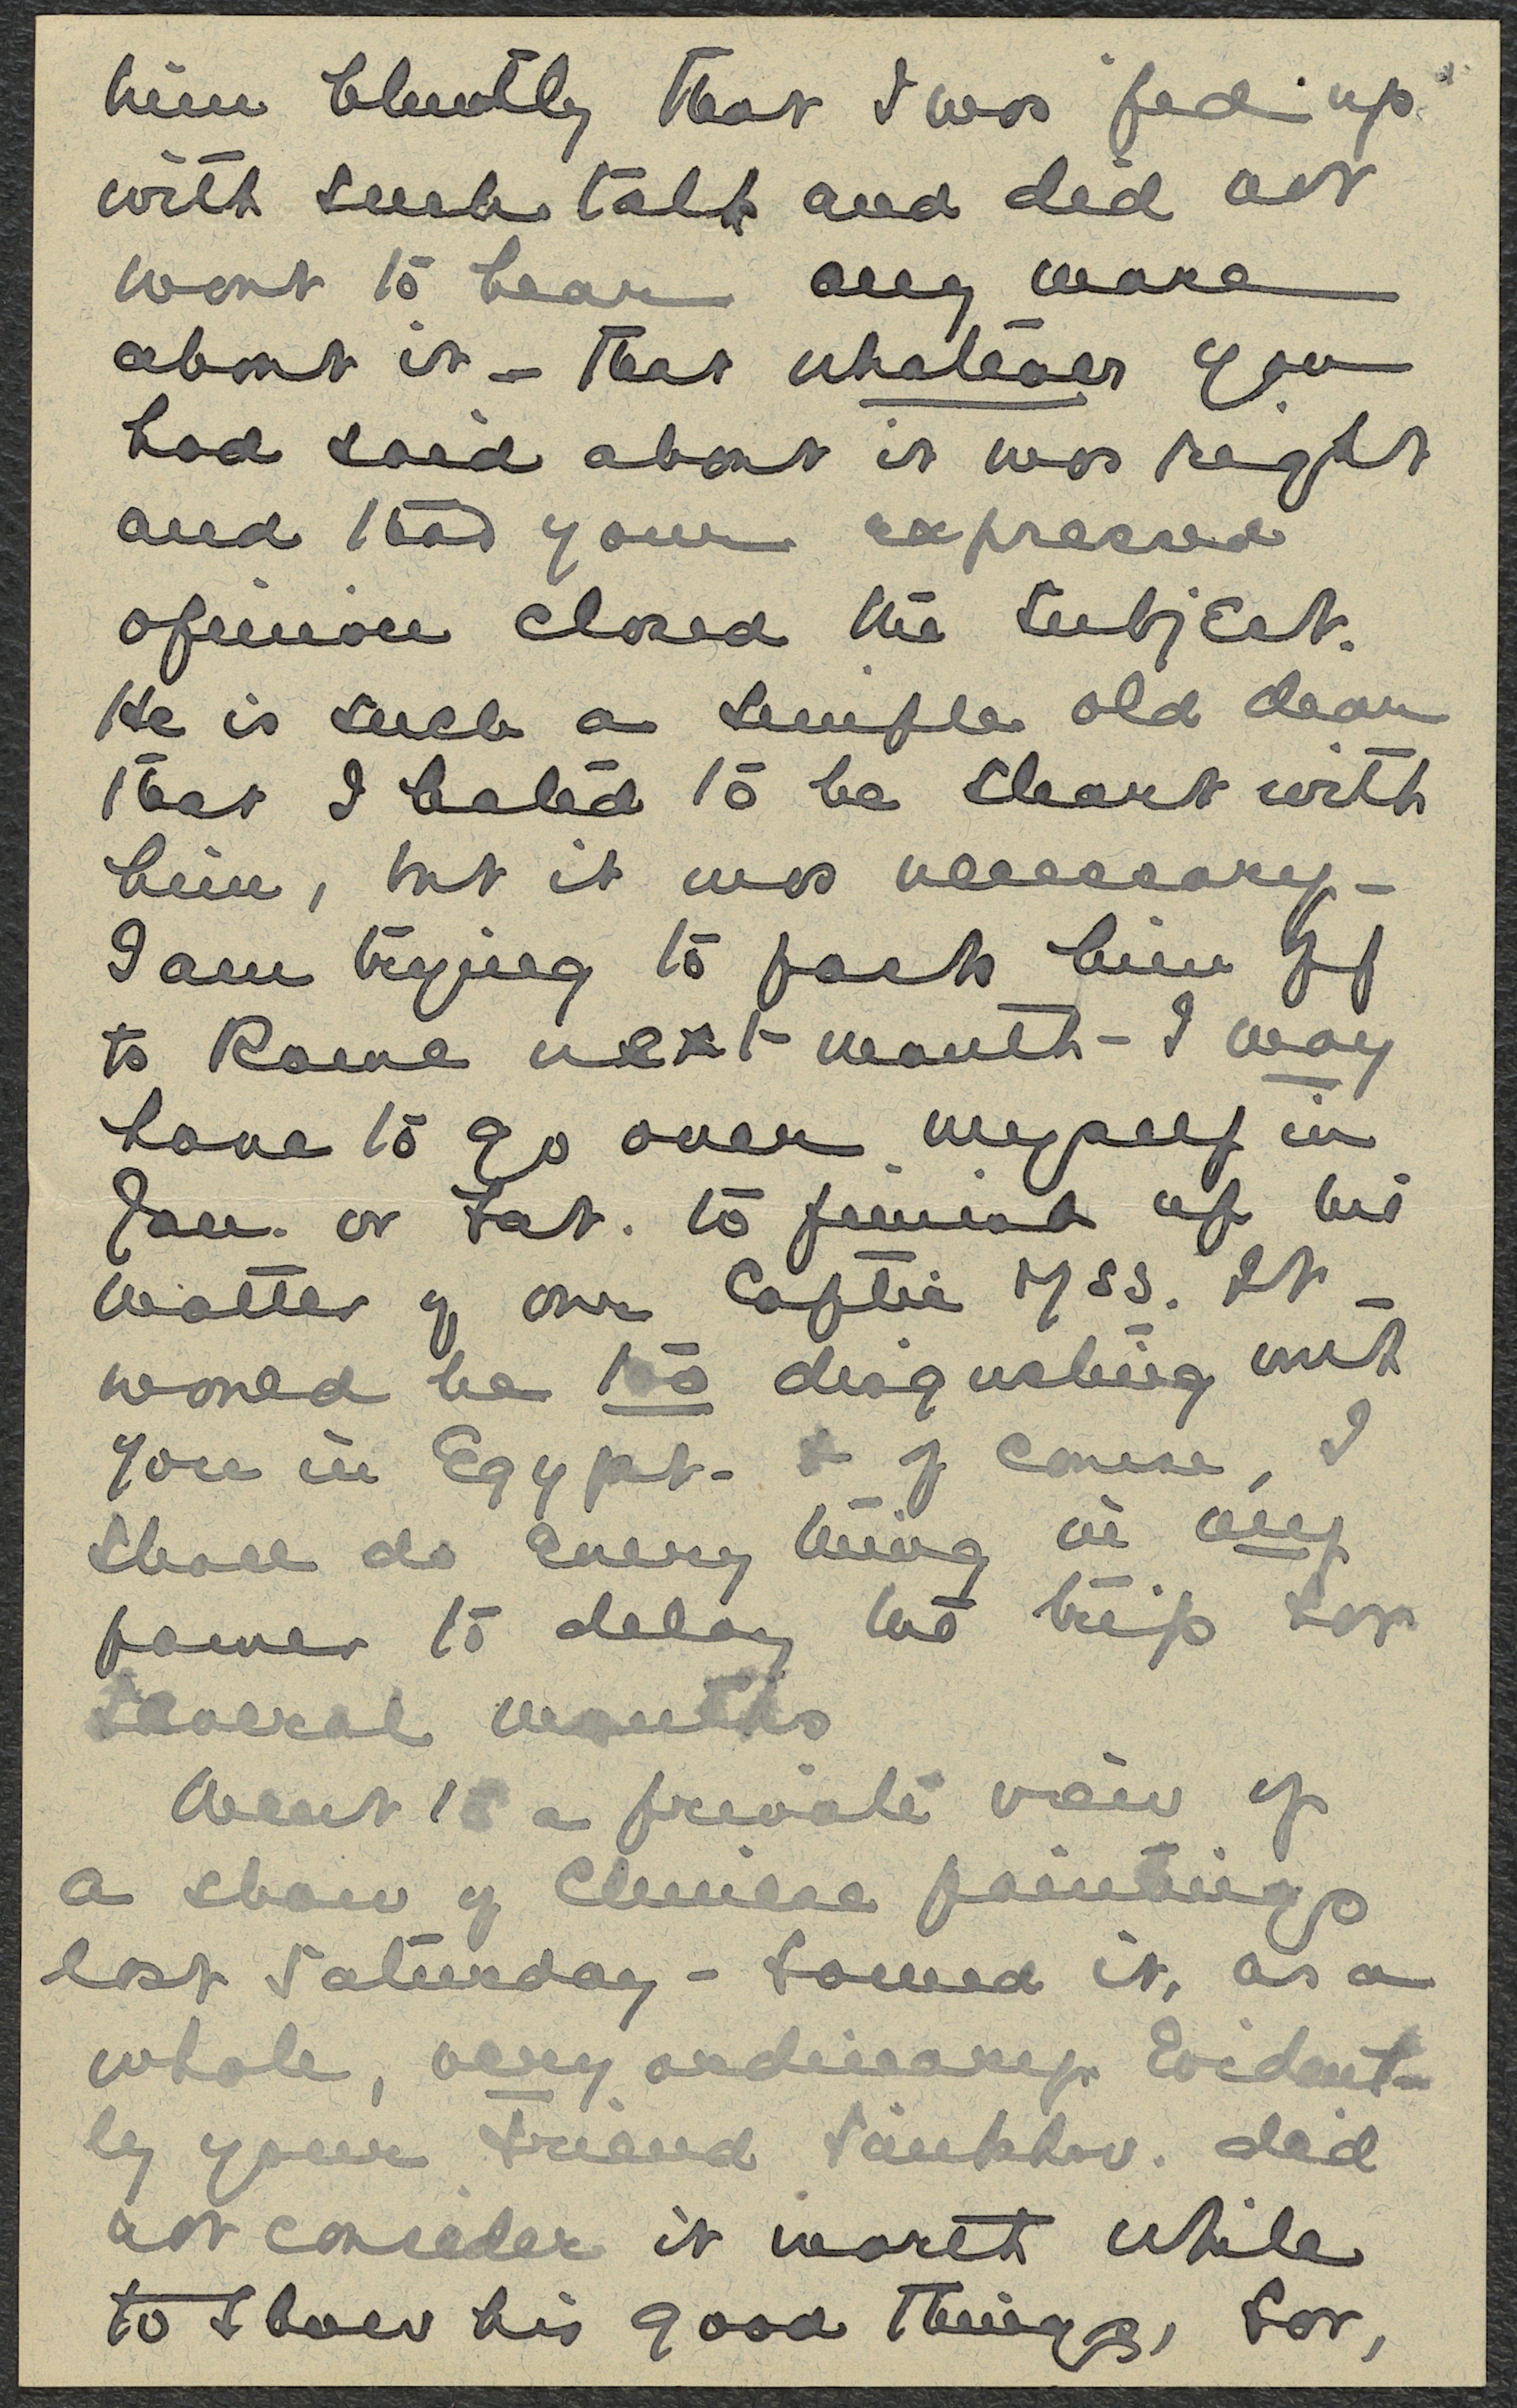him bluntly that I was “fed up” with such talk and did not want to hear any more about it – That whatever you had said about it was right and that your expressed opinion closed the subject. He is such a simple old dear that I hated to be short with him, but it was necessary – I am trying to pack him off to Rome next month – I may have to go over myself in Jan. or Feb. to finish up the matter of our Coptic MSS. It would be too disgusting with you in Egypt, & of course, I shall do every thing in my power to delay the trip for several months
Went to a private view of a show of Chinese paintings last Saturday, found it, as a whole, very ordinary. Evidently your friend Simkhov. did not consider it worth while to show his good things, for,